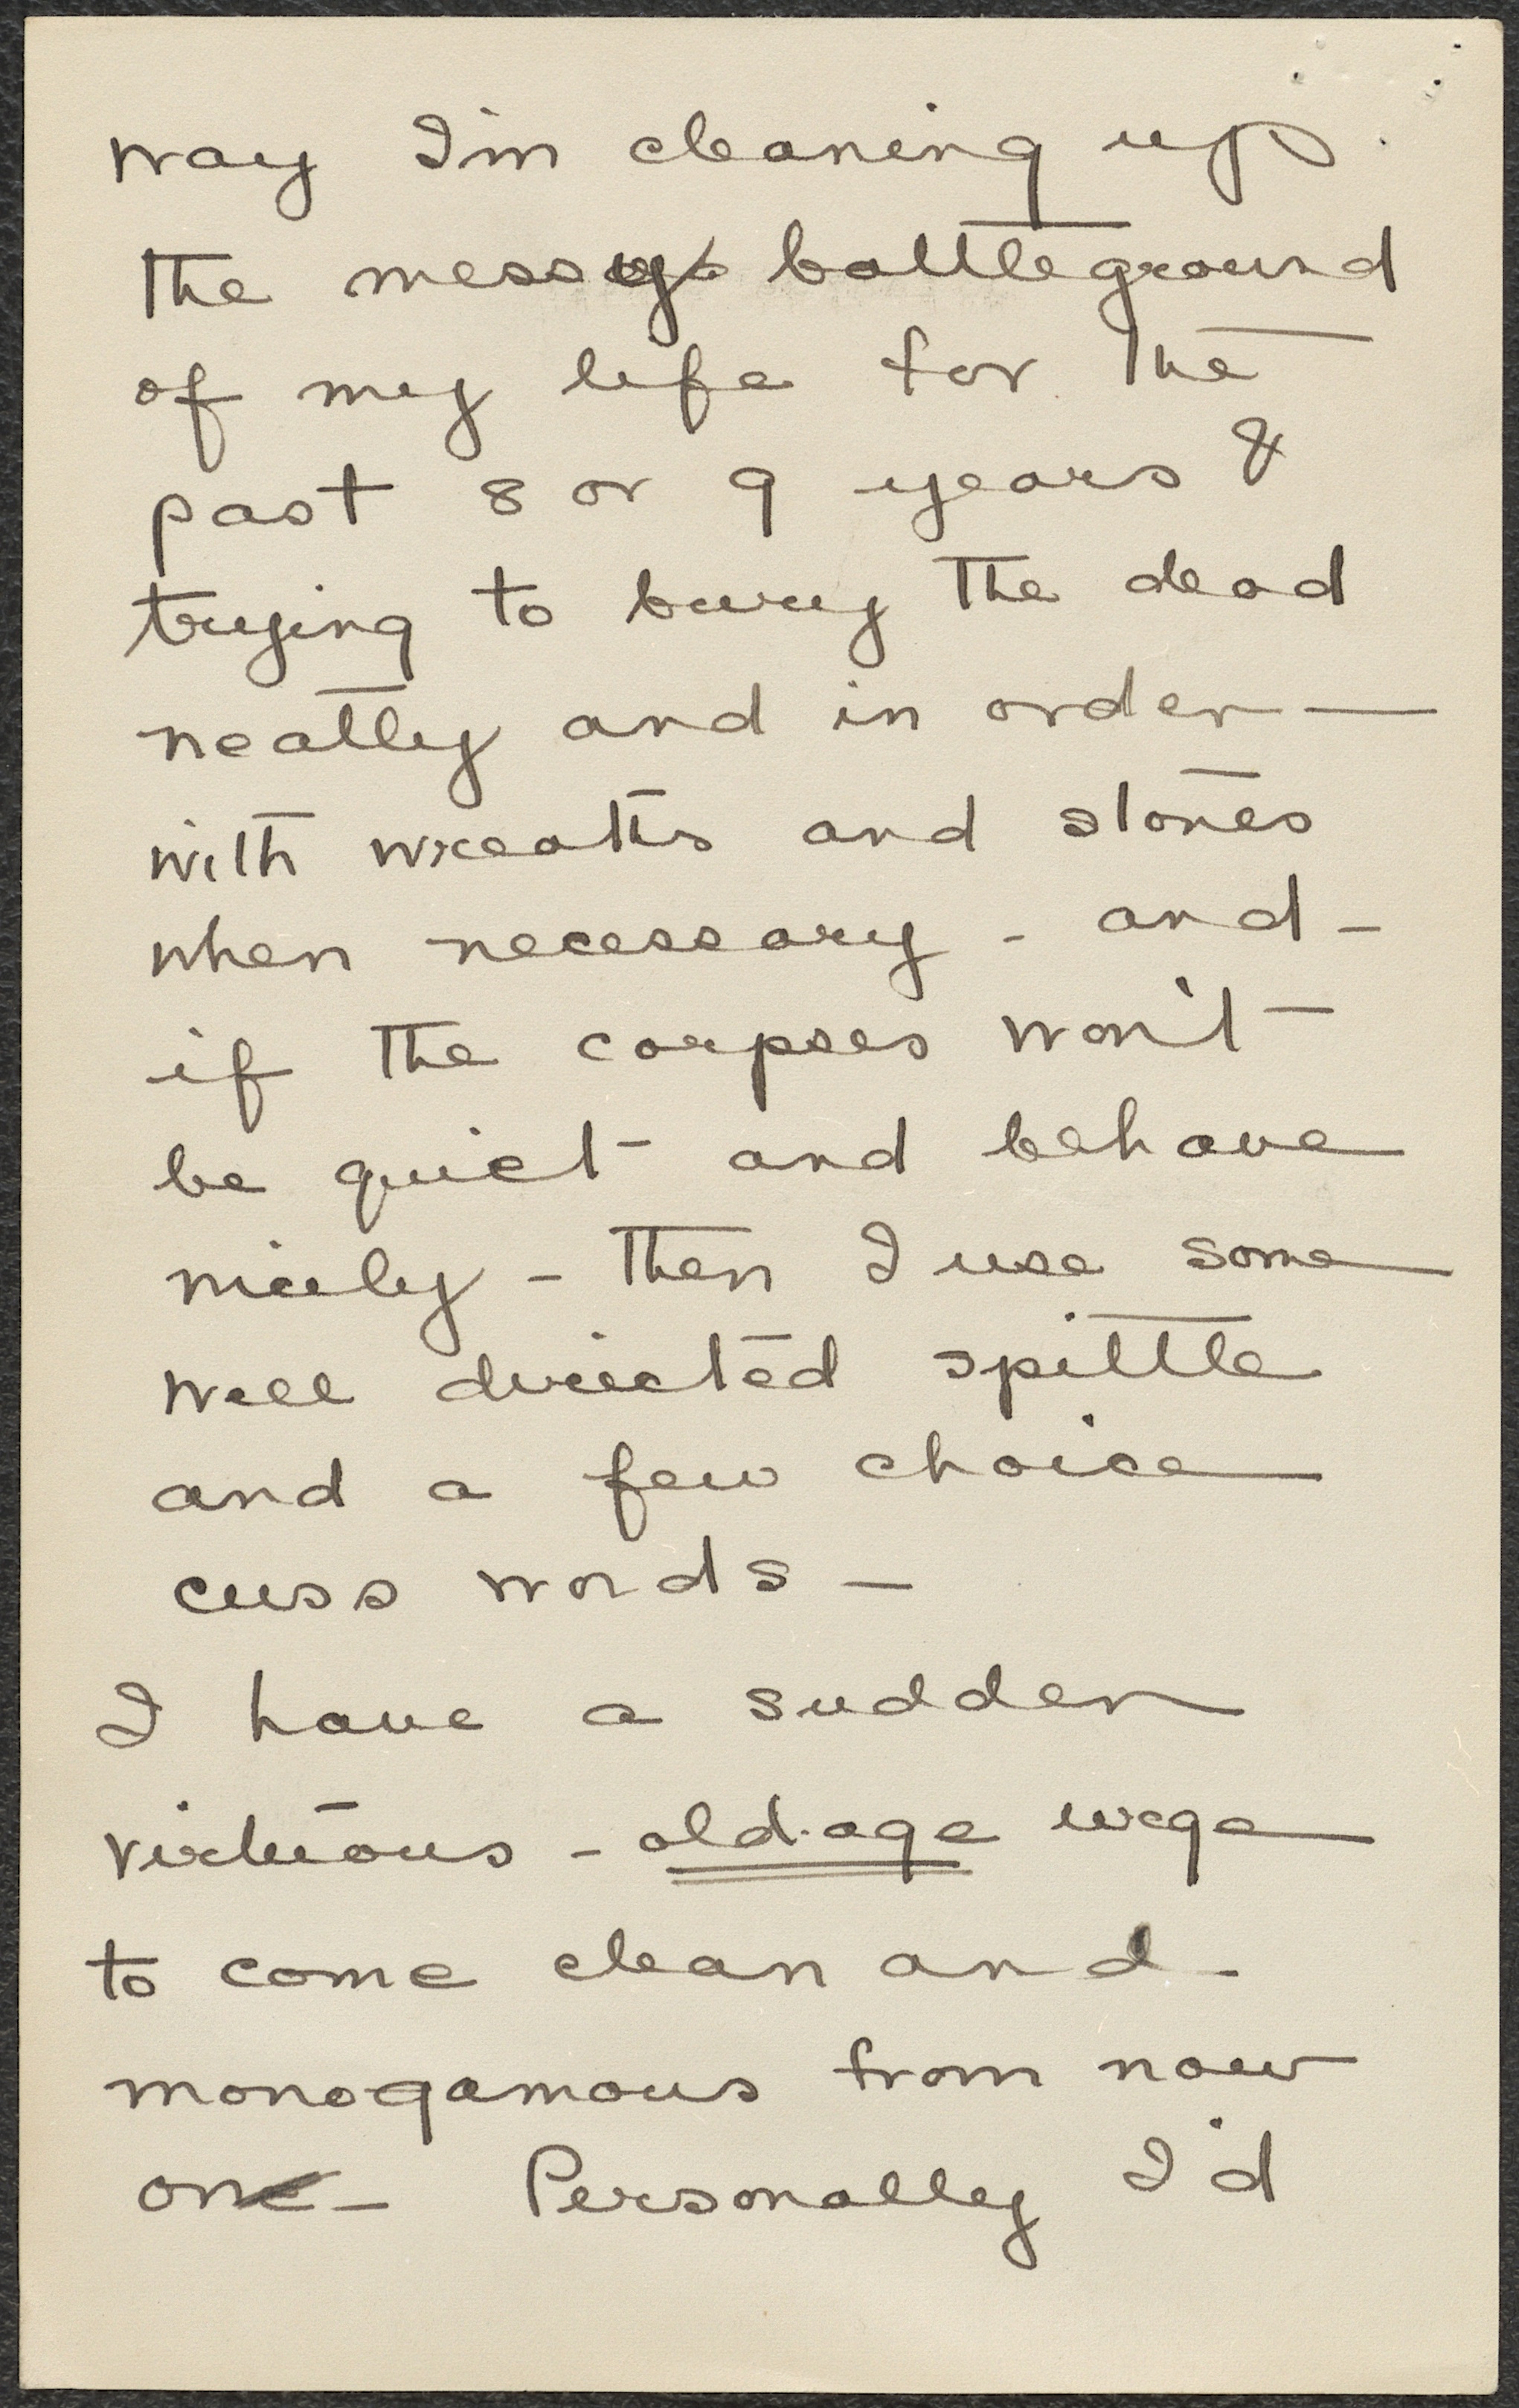I’m cleaning up the messy battleground of my life for the past 8 or 9 years & trying to bury the dead neatly and in order – with wreaths and stones when necessary – and – if the corpses won't be quiet – and behave nicely – then I use some well directed spittle and a few choice cuss words – I have a sudden virtuous – [double underlined: old-age] urge to come clean and monogamous from now one – Personally I’d